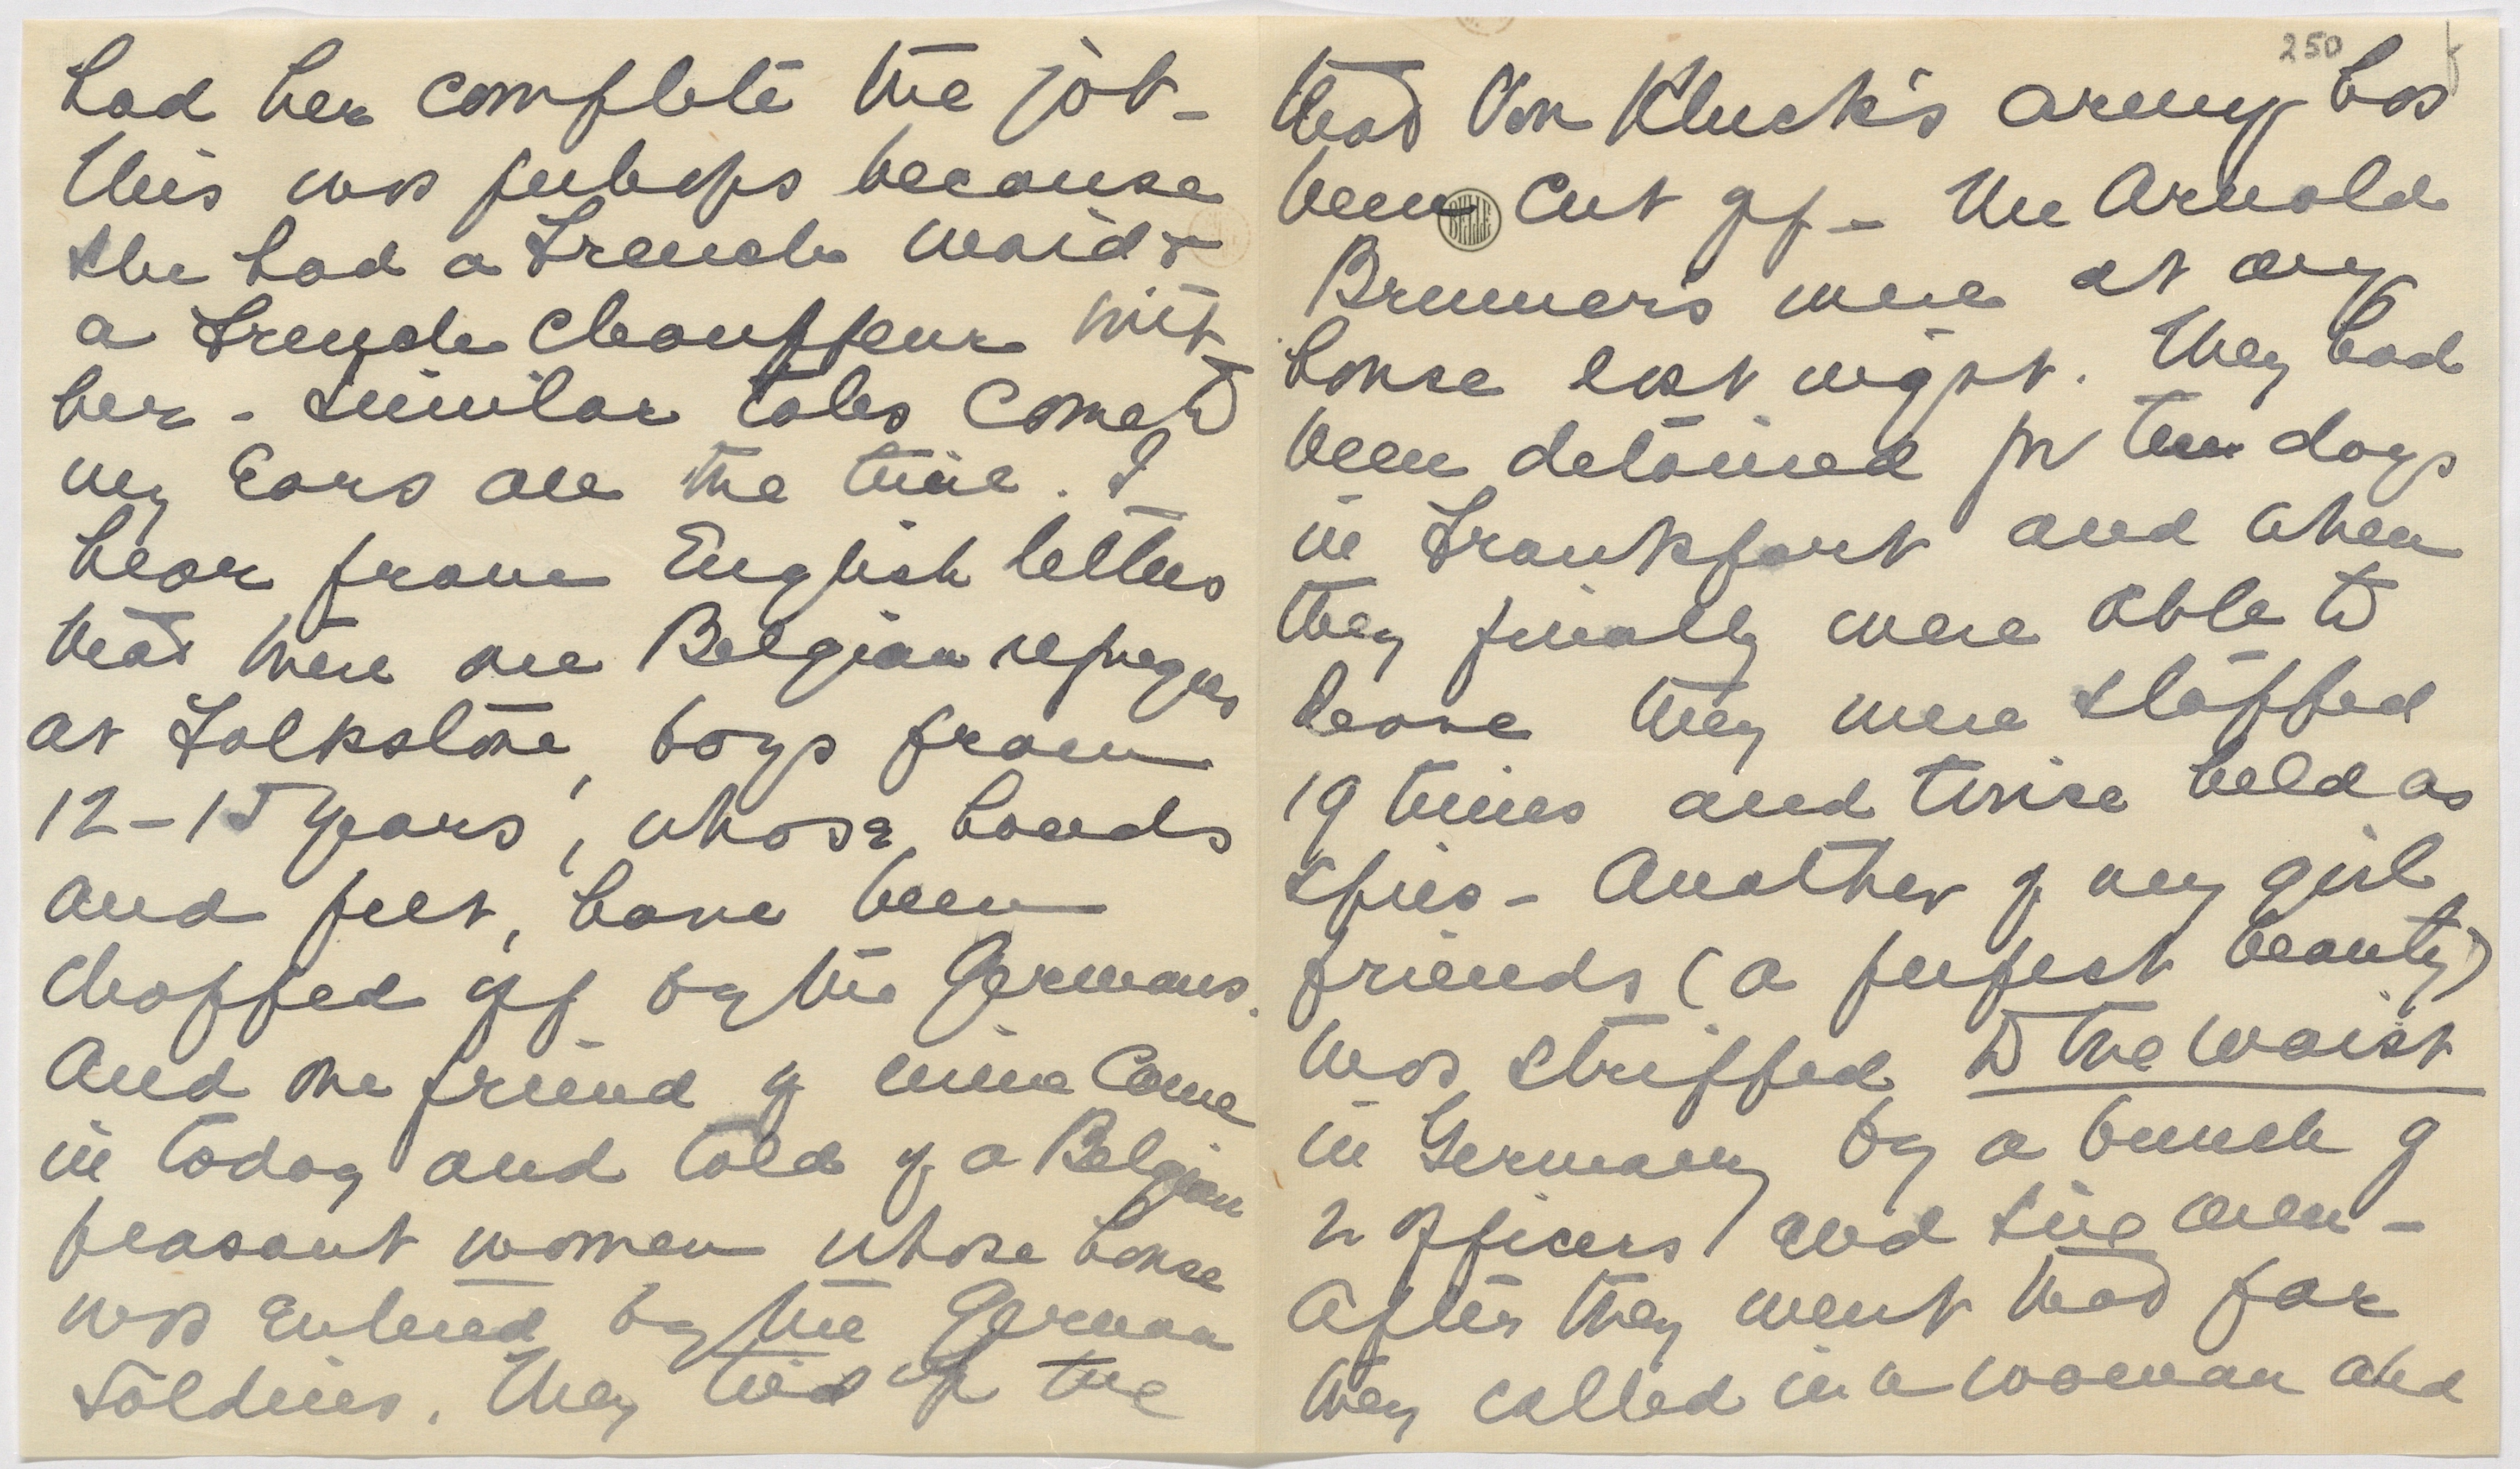that Von Kluck’s army has been cut off – The Arnold Brunner’s were at my house last night. They had been detained for ten days in Frankfort and when they finally were able to leave they were stopped 19 times and twice held as spies – another of my girl friends (a perfect beauty) was stripped to the waist in Germany by a bunch of 2 officers and six men – After they went that far they called in a woman and
had her complete the job – this was perhaps because she had a French maid & a French chauffeur with her – similar tales come to my ears all the time. I hear from English letters that there are Belgian refugees at Folkstone [sic], boys from 12-15 years, whose hands and feet, have been chopped off by the Germans. and one friend of mine came in today and told of a Belgian peasant woman whose house was entered by the German soldiers. They tied up the